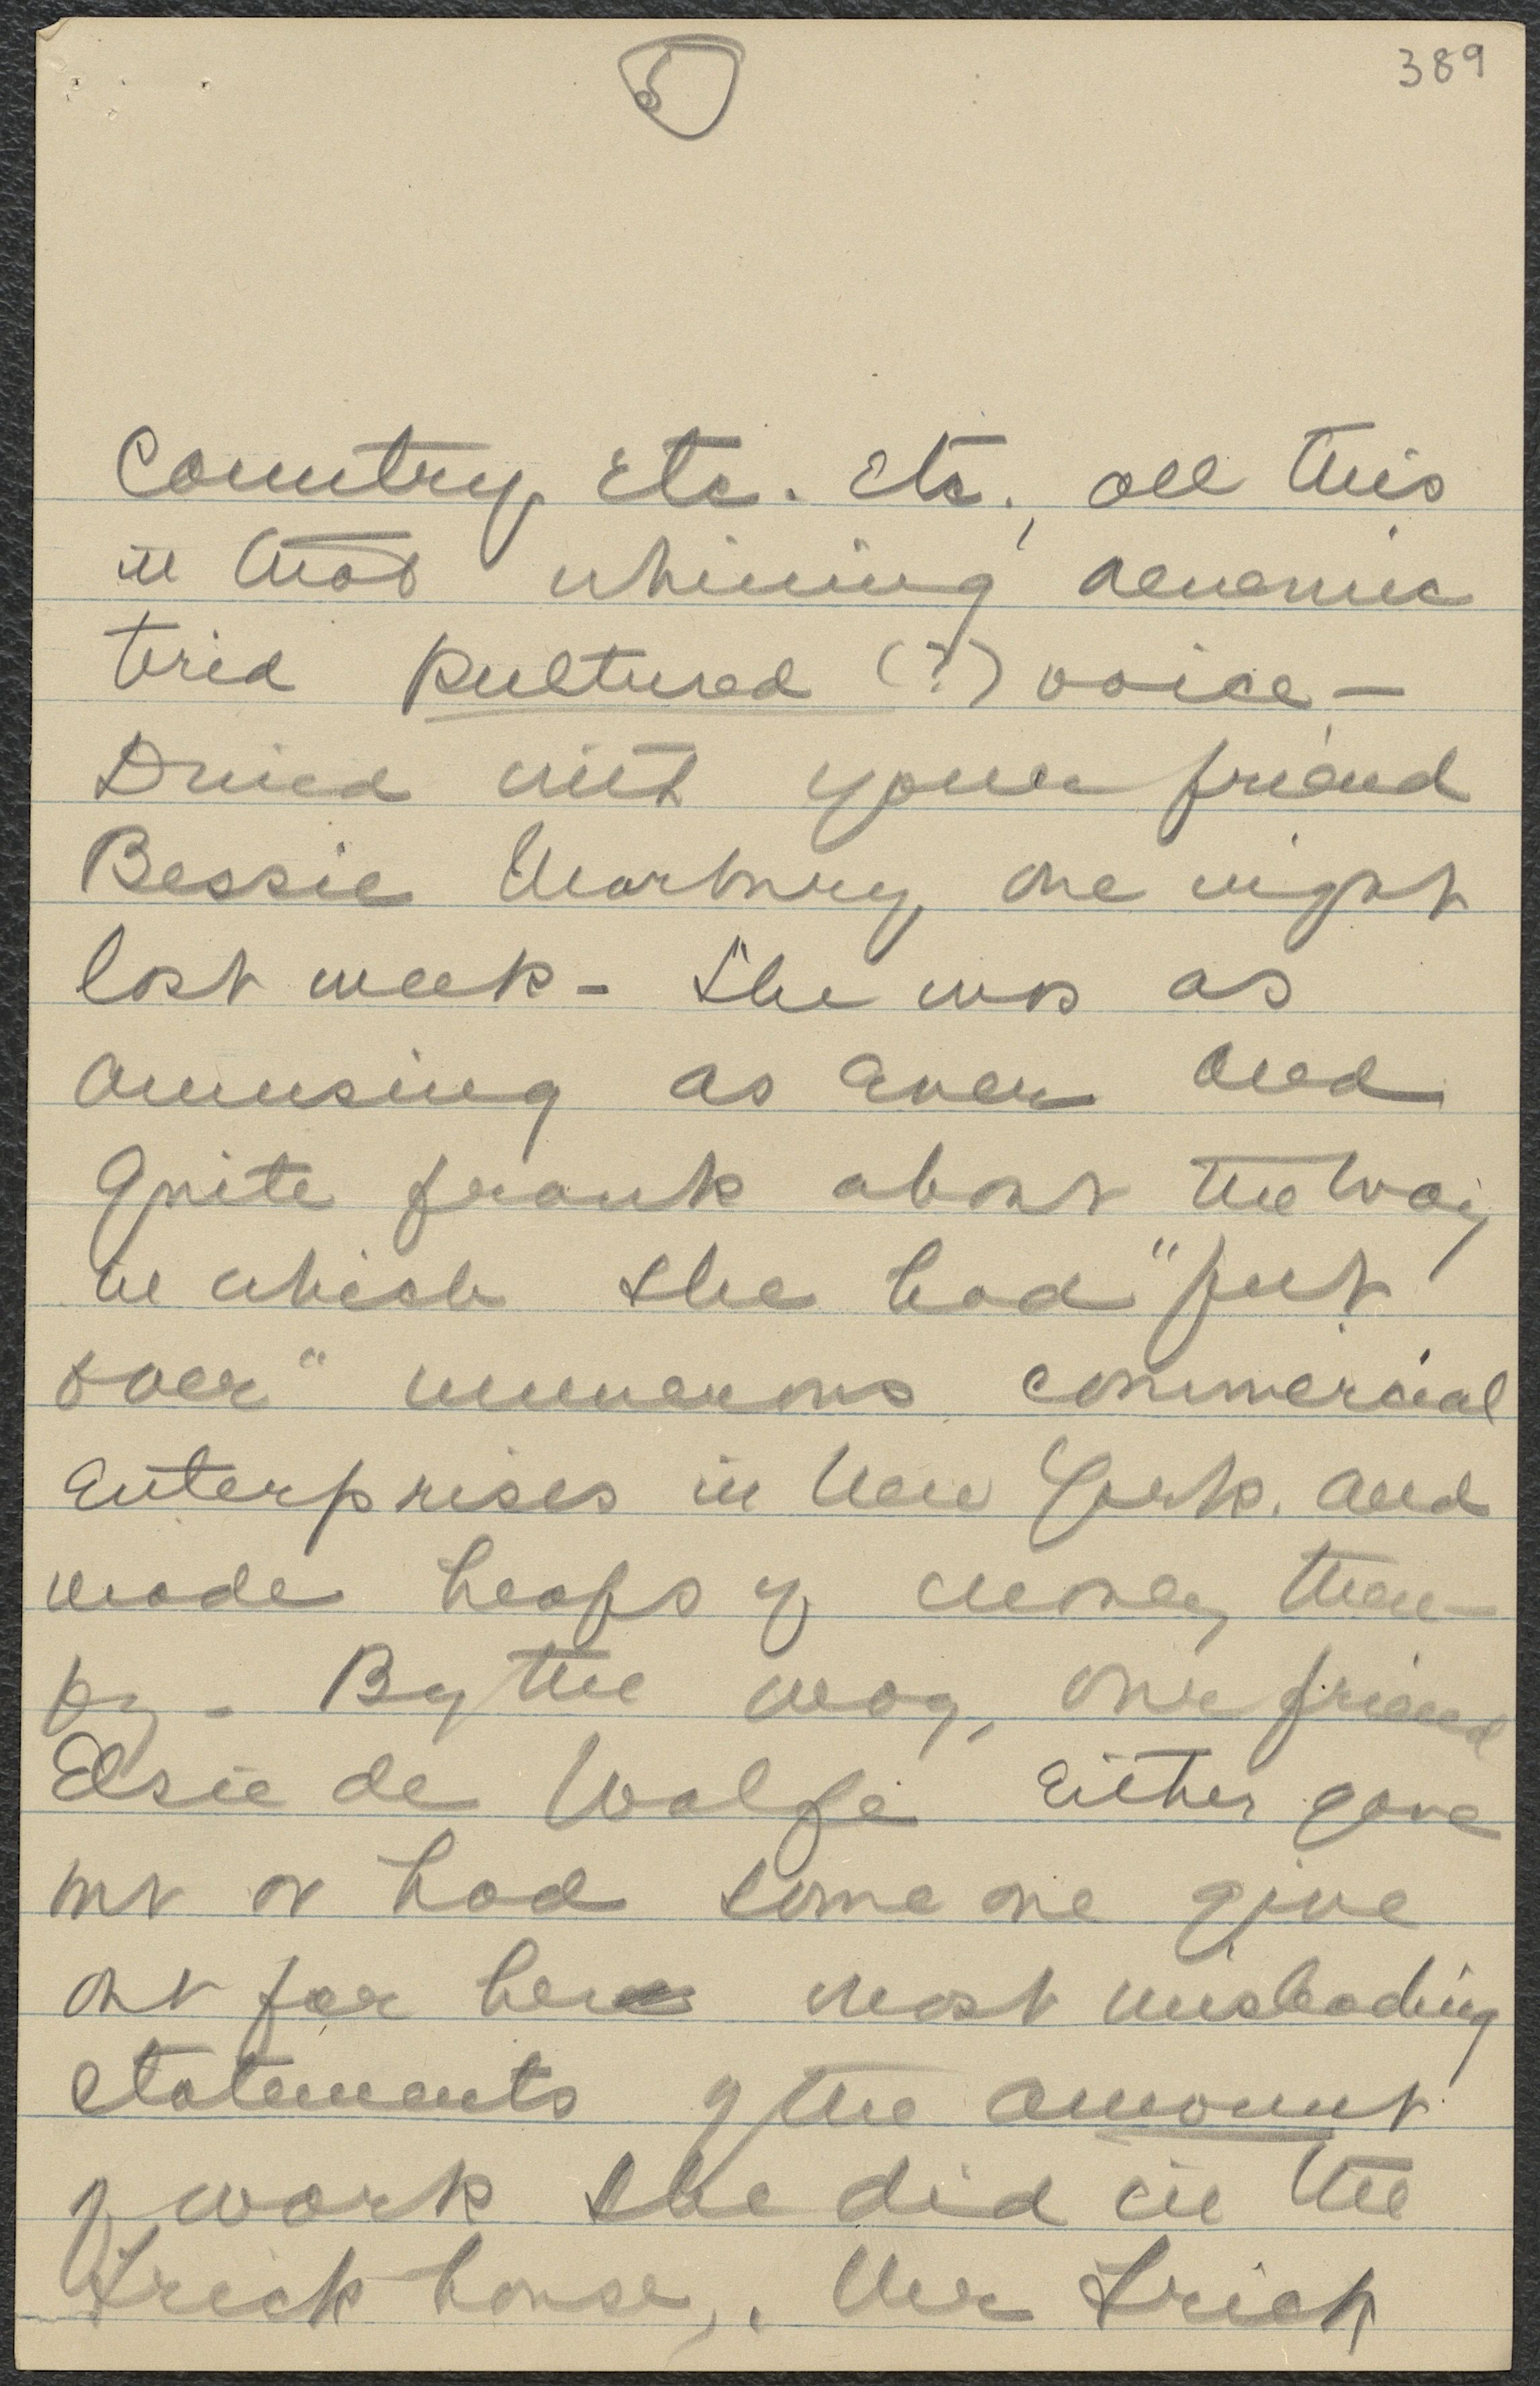country etc. etc., all this in that whining aenemic tired kultured (?) voice – Dined with your friend Bessie Marbury one night last week – She was as amusing as ever and quite frank about the way in which she had “put over” numerous commercial enterprises in New York and made heaps of money thereby – By the way, one friend Elsie de Wolfe either gave out or had someone give out for hers most misleading statements of the amount of work she did in the Frick house. Mr Frick